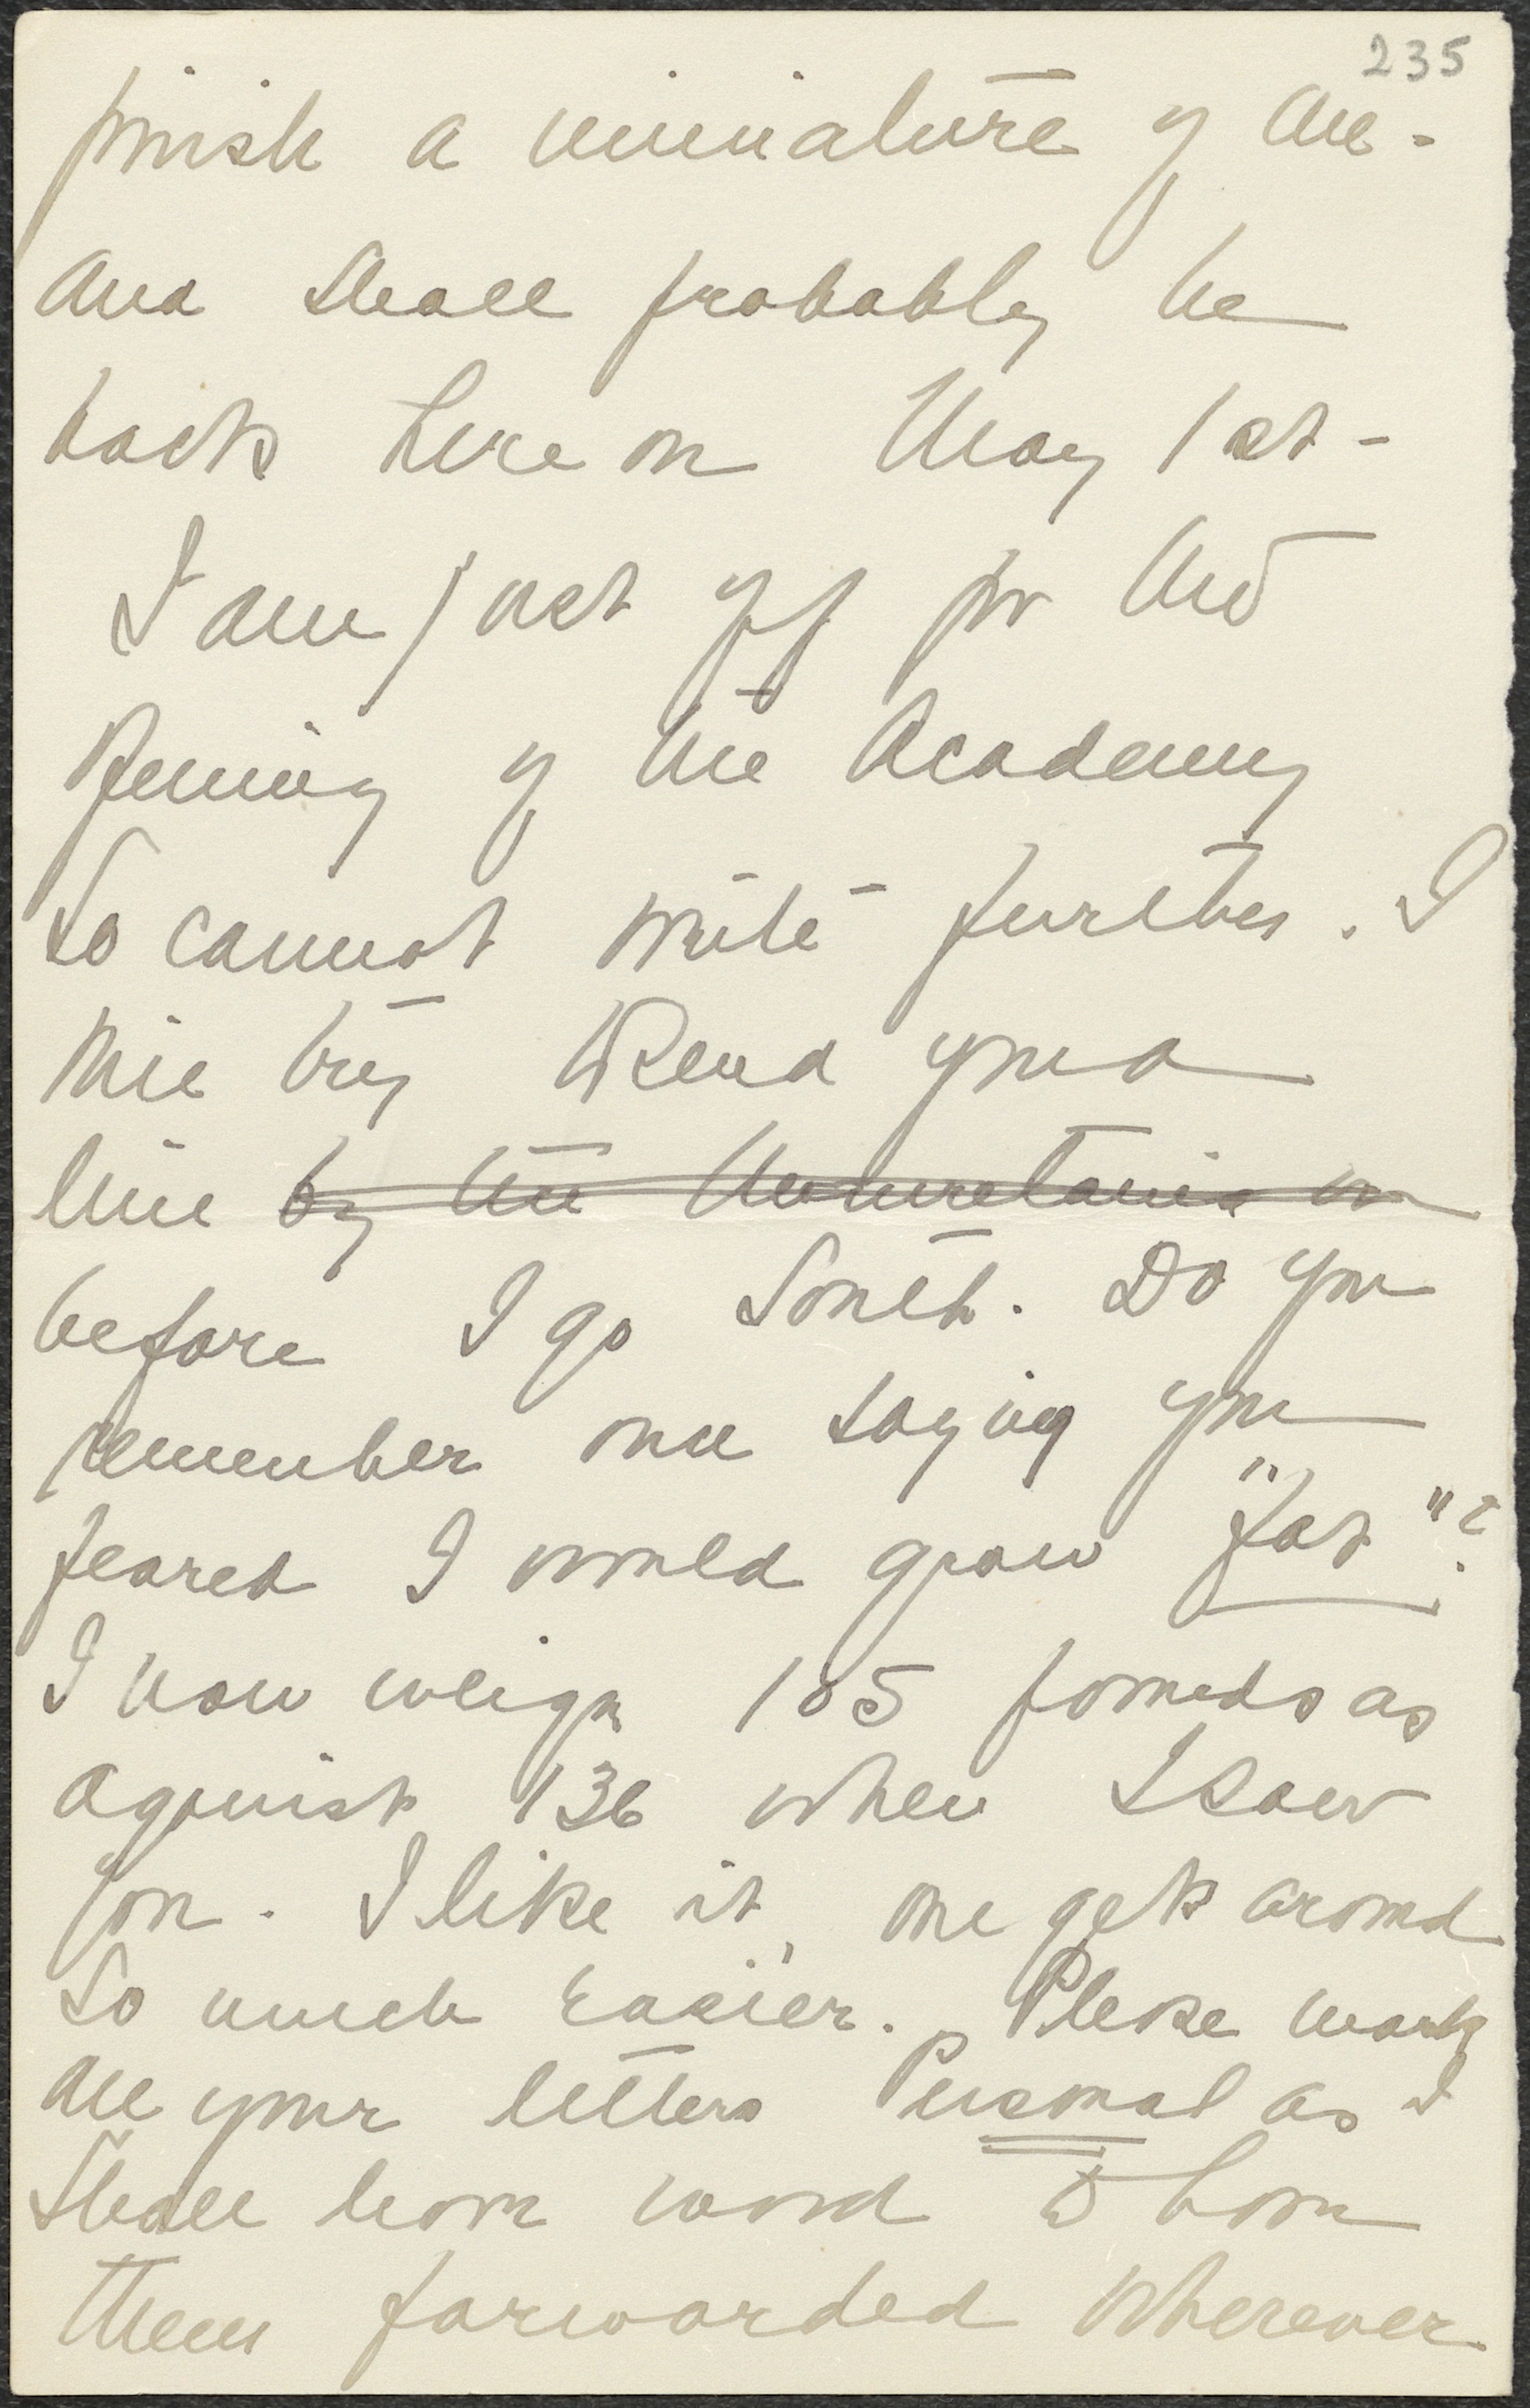finish a miniature of me – and shall probably be back here on May 1st –
I am just off for the opening of the Academy so cannot write further. I will try to send you a line by the Mauretania on before I go South. Do you remember once saying you feared I would grow “fat”? I now weigh 105 pounds as against 136 when I saw you. I like it, one gets around so much easier. Please mark all your letters [double underlined: Personal] as I shall leave word to have them forwarded wherever